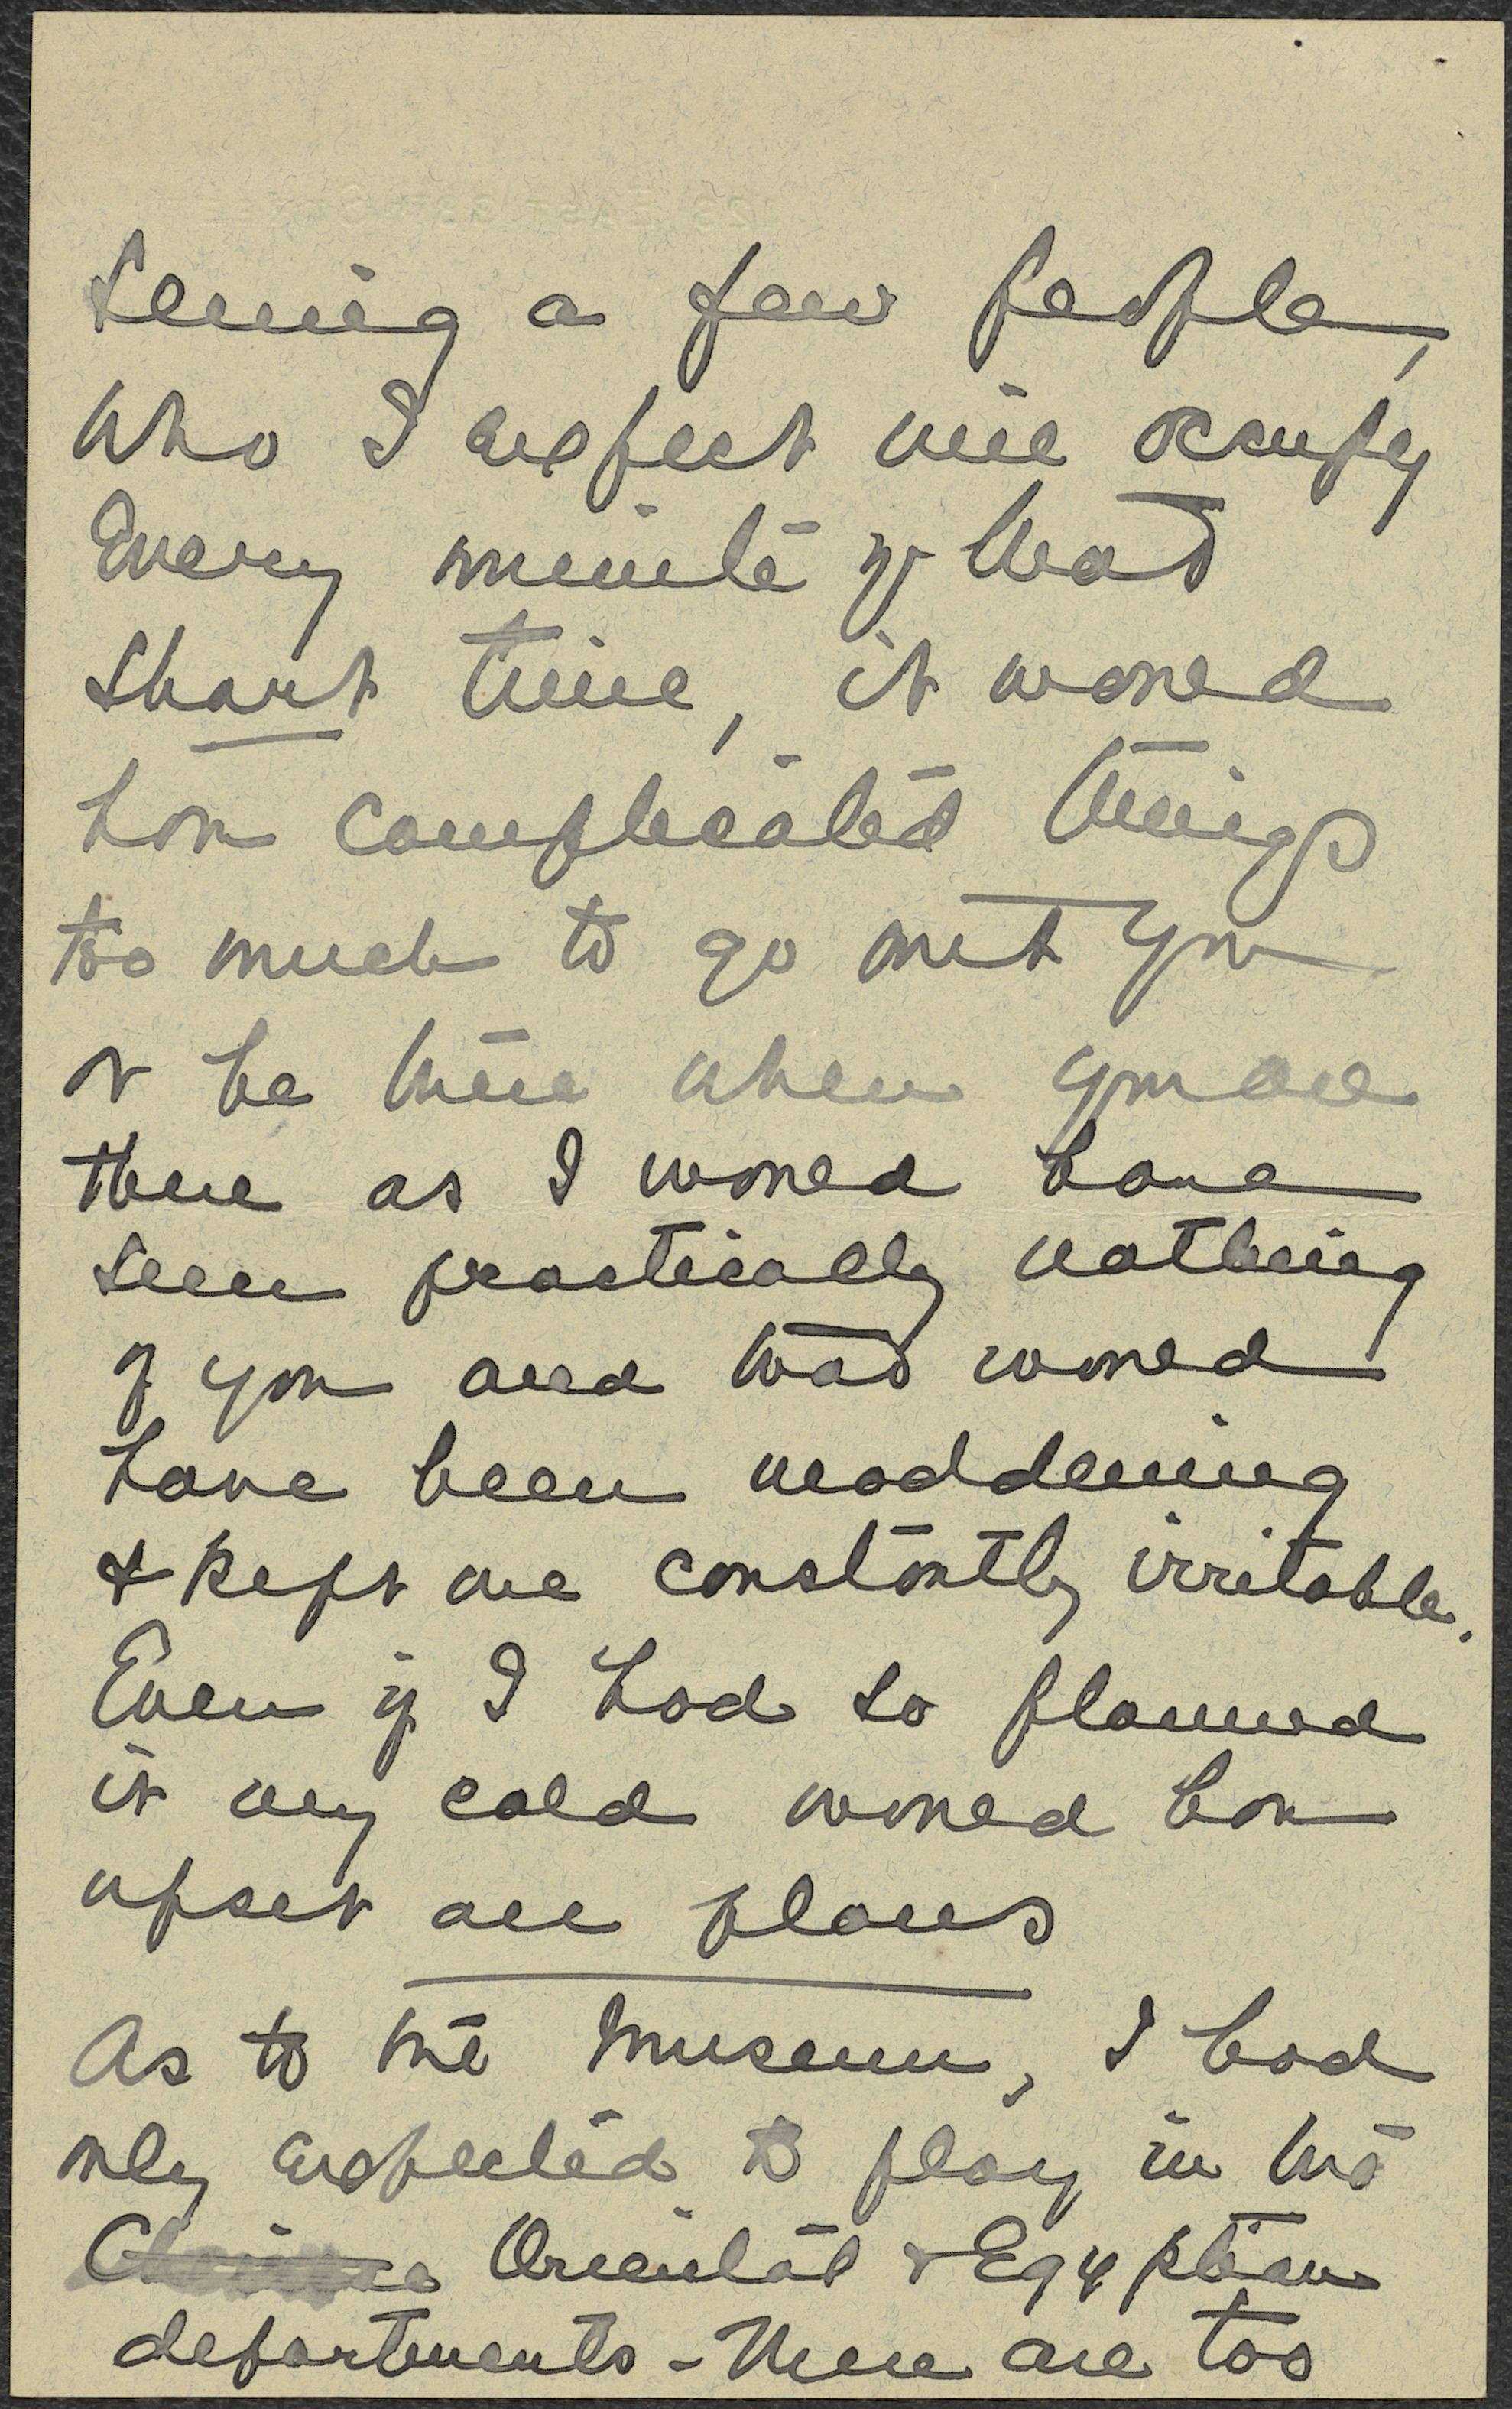seeing a few people, who I expect will occupy every minute of that short time, it would have complicated things too much to go with you or be there when you are there as I would have seen practically nothing of you and that would have been maddening & kept me constantly irritable. Even if I had so planned it my cold would have upset all plans
As to the Museum, I had only expected to play in the Chinese Oriental & Egyptian departments – There are too